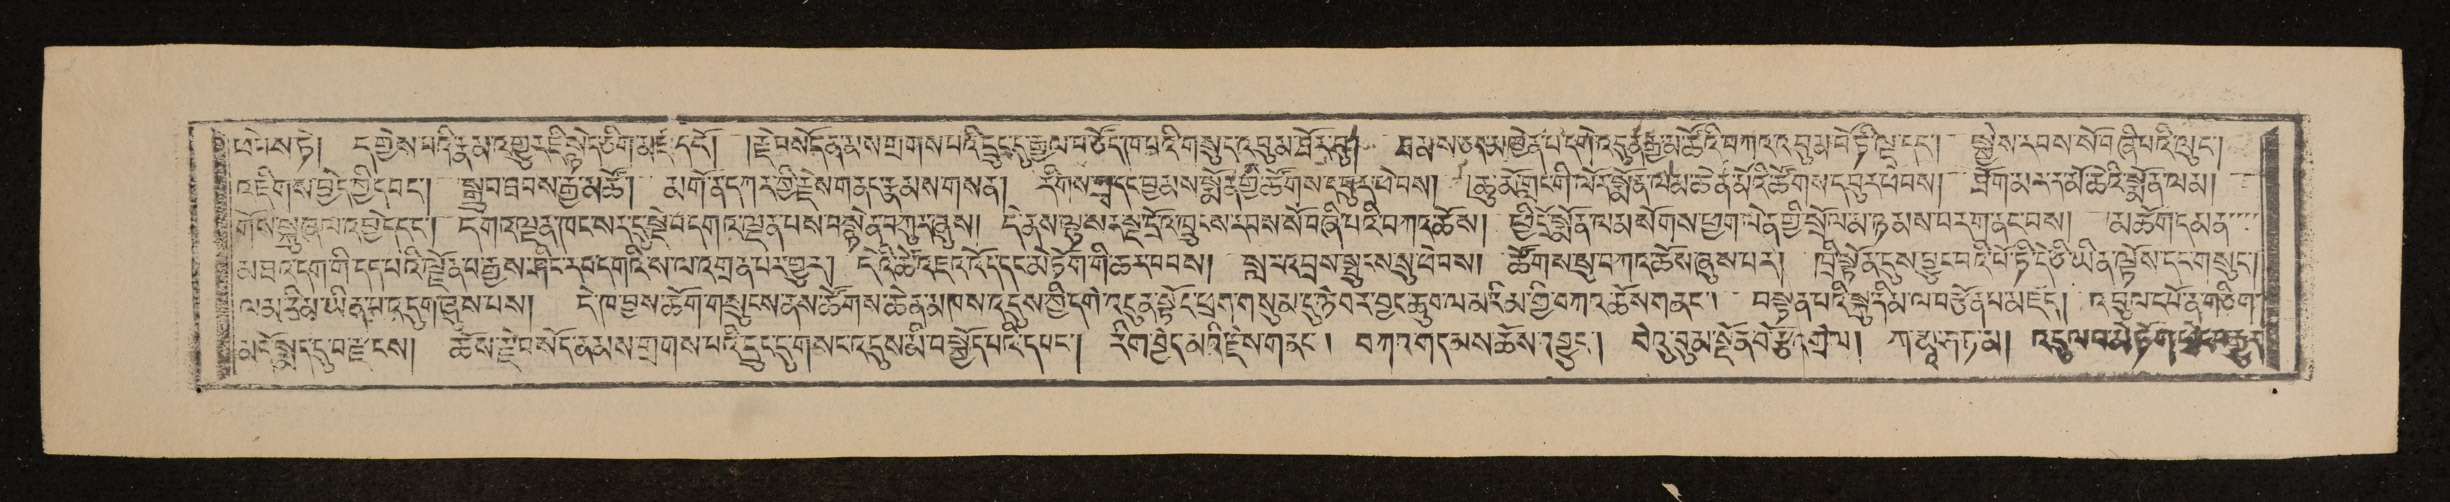ཕེབས་ཏེ། དགྱེས་པའི་རྣམ་འགྱུར་ཇི་སྙེད་ཅིག་མཛད་དོ། །རྗེ་བསོད་ནམས་གྲགས་པའི་དྲུང་དུ་རྒྱལ་བ་ཙོང་ཁ་བའི་གསུང་འབུམ་ཐོར་བུ། ཐམས་ཅད་མཁྱེན་པ་དགེ་འདུན་རྒྱ་མཚོའི་བཀའ་འབུམ་པོ་ཏི་ལྔ་དང་། སྐྱེས་རབས་སོ་བཞི་བའི་ལུང་།
འཇིགས་བྱེད་ཀྱི་དབང་། སྒྲུབ་ཐབས་རྒྱ་མཚོ། མགོན་དཀར་ཀྱི་རྗེས་གནང་རྣམས་གསན། རིགས་གྲྭ་དང་བྱམས་སྨོན་གྱི་ཚོགས་དབུར་ཕེབས། ཆུ་མོ་གླང་གི་ལོར་སྨོན་ལམ་ཆེན་མོའི་ཚོགས་དབུར་ཕེབས། ཐེག་མངར་མོ་ཆེའི་སྨོན་ལམ།
གོས་སྐུ་ཞལ་བ་བྱེད་དང་། དགའ་ལྡན་ཁང་སར་དུ་སྡེབ་དགའ་ལྡན་པས་བསྙེན་བཀུར་ཞུས། དེ་ནས་ལྷ་སར་སྔ་དྲོ་འཁྲུངས་རབས་སོ་བཞི་བའི་བཀའ་ཆོས། ཕྱི་དྲོ་སྨོན་ལམ་སོགས་ཕྱག་ལེན་གྱི་སོལ་མཉམས་པར་གནང་བས། མཆོག་དམན་
མཐའ་དག་གི་དད་པའི་ལྗོན་པ་རྒྱས་ཤིང་རབ་དགའི་སལ་འགྲན་པར་གྱུར། དེའི་ཚེ་འཇའ་འོད་དང་མེ་ཏོག་གི་ཆར་བབས། སླར་འབྲས་སྤུངས་སུ་ཕེབས། ཚོགས་སུ་བཀའ་ཆོས་ཞུས་པར། ཁྲི་སྟོན་དུས་བྱུང་བའི་བོ་ཏེ་དེ་ཅི་ཡིན་ལྟོས་དང་གསུང་
ལམ་རིམ་ཡིན་པ་འདུག་ཞུས་པས། དེ་ཁ་བྱས་ཆོག་གསུངས་ནས་ཚོགས་ཆེན་མཁས་འདུས་ཀྱི་དགེ་འདུན་སྟོང་ཕྲག་གསུམ་དུ་ཉེ་བར་བྱང་ཆུབ་ལམ་རིམ་གྱི་བཀའ་ཆོས་གནང་། བསྟན་པའི་སྐུ་རིམ་ལ་བརྩོན་པ་མཛད། འབུལ་དཔོན་གཅིག་
མདོ་སྨད་དུ་བརྫངས། ཆོས་རྗེ་བསོད་ནམས་གྲགས་པའི་དྲུང་དུ་གསང་འདུས་མི་བསྐྱོད་པའི་དབང་། རིག་བྱེད་མའི་རྗེས་གནང་། བཀའ་གདམས་ཆོས་འབྱུང་། བེའུ་བུ་མ་སྔོན་པོ་རྩ་འགྲེལ། ཀརྨཱ་ཤ་ཏམ། འདུལ་བ་མེ་ཏོག་ཕྲེང་བརྒྱུད།